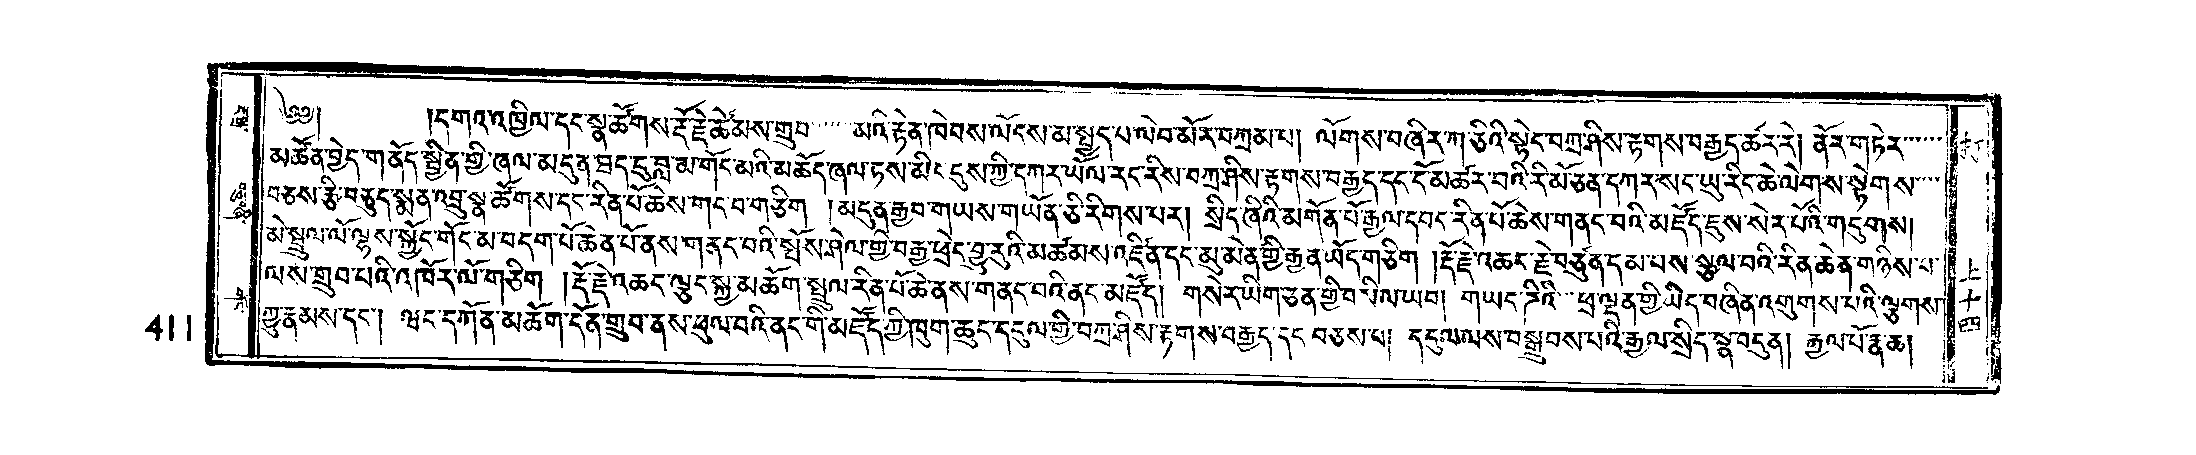༄༅། །དགའ་འཁྱིལ་དང་སྣ་ཚོགས་རྡོ་རྗེ་ཚེམས་གྲུབ་མའི་རྟེན་ཁེབས་ལོངས་མ་སྤྱད་པ་ལེབ་མོར་བཀྲམ་པ། ལོགས་བཞིར་ཀ་ཅིའི་སྟེང་བཀྲ་ཤིས་རྟགས་བརྒྱད་ཚར་རེ། ནོར་གཏེར་
མཚོན་བྱེད་གནོད་སྦྱིན་གྱི་ཞལ་མདུན་ཐད་དུ་བླ་མ་གོང་མའི་མཆོད་ཞལ་ཏས་མིང་དུས་ཀྱི་དཀར་ཡོལ་རང་རིས་བཀྲ་ཤིས་རྟགས་བརྒྱད་དང་ངོ་མཚར་བའི་རི་མོ་ཅན་དཀར་སང་ཡུ་རིང་ཆེ་ལེགས་སྟེགས་
བཅས་རྩི་བཅུད་སྨན་འབྲུ་སྣ་ཚོགས་དང་རིན་པོ་ཆེས་གང་བ་གཅིག །མདུན་རྒྱབ་གཡས་གཡོན་ཅི་རིགས་པར། སྲིད་ཞིའི་མགོན་པོ་རྒྱལ་དབང་རིན་པོ་ཆེས་གནང་བའི་མཛོད་ཇུས་སེར་པོའི་གདུགས།
མེ་སྦྲུལ་ལོ་ལྷས་སྐྱོང་གོང་མ་བདག་པོ་ཆེན་པོ་ནས་གནང་བའི་སྤོས་ཤེལ་གྱི་བརྒྱ་ཕྲེང་བྱུ་རུའི་མཚམས་འཛིན་དང་མུ་མེན་གྱི་རྒྱན་ཡོད་གཅིག །རྡོ་རྗེ་འཆང་རྗེ་བཙུན་དམ་པས་སྩལ་བའི་རིན་ཆེན་གཉིས་པ་
ལས་གྲུབ་པའི་འཁོར་ལོ་གཅིག །རྡོ་རྗེ་འཆང་ལྕང་སྐྱ་མཆོག་སྤྲུལ་རིན་པོ་ཆེ་ནས་གནང་བའི་ནང་མཛོད། གསེར་ཡིག་ཅན་གྱི་བསིལ་ཡབ། གཡང་ཌིའི་ཕྲ་ལྡན་གྱི་ཡིད་བཞིན་འགུགས་པའི་ལྕགས་
ཀྱུ་རྣམས་དང་། ཝང་དཀོན་མཆོག་དོན་གྲུབ་ནས་ཕུལ་བའི་ནང་གི་མཛོད་ཀྱི་ཁུག་ཆུང་དངུལ་གྱི་བཀྲ་ཤིས་རྟགས་བརྒྱད་དང་བཅས་པ། དངུལ་ལས་བསྒྲུབས་པའི་རྒྱལ་སྲིད་སྣ་བདུན། རྒྱལ་པོ་རྣ་ཆ།